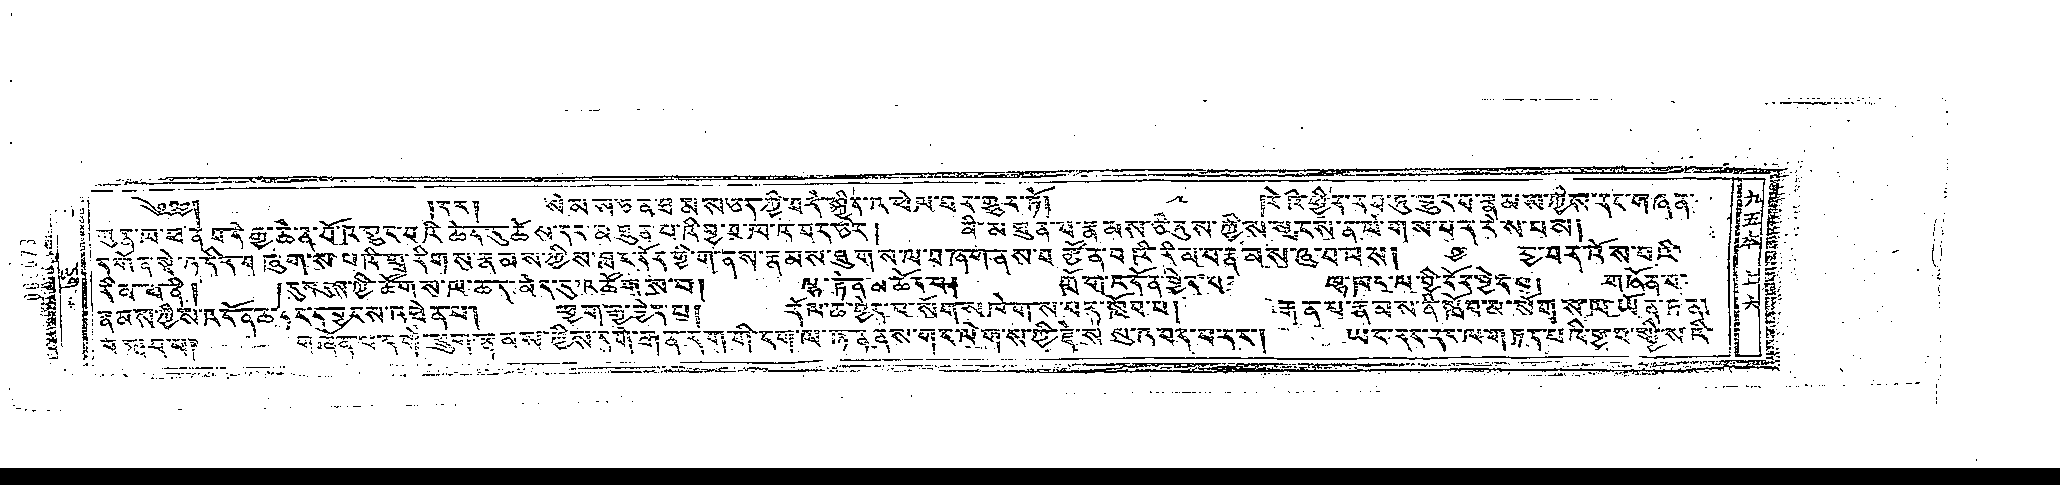༄༅། །དར། སེམས་ཅན་ཐམས་ཅད་ཀྱི་བདེ་སྐྱིད་འཕེལ་བར་གྱུར་ཏོ། ༢་།དེའི་ཕྱིར་རབ་ཏུ་བྱུང་བ་རྣམས་ཀྱིས་རང་གཞན་
ཀུན་ལ་ཕན་བདེ་རྒྱ་ཆེན་པོ་འབྱུང་བའི་ཆེད་དུ་ཆོས་དང་མཐུན་པའི་བྱ་བ་ལ་འབད་ཅིང་། མི་མཐུན་པ་རྣམས་ཅི་ནུས་ཀྱིས་སྤངས་ན་ལེགས་པར་ངེས་པས།
དགོན་སྡེ་འདིར་བཞུགས་པའི་གྲྭ་རིགས་རྣམས་ཀྱིས་བླང་དོར་གྱི་གནས་རྣམས་ཐུགས་ལ་བཞག་ནས་བརྩོན་པའི་རིམ་པ་རྣམས་ཞུ་བ་ལས། ༧་བྱ་བར་འོས་པའི་
རིམ་པ་ནི། །དུས་དུས་ཀྱི་ཚོགས་ལ་ཆད་མེད་དུ་འཚོགས་པ། ལྷ་རྟེན་མཆོད་པ། ཀློག་འདོན་བྱེད་པ། ལྷ་ཁང་ལ་བྱི་དོར་བྱེད་པ། གཞོན་པ་
རྣམས་ཀྱིས་འདོན་ཆ་དང་དབྱངས་འཐེན་པ། ཕྱག་རྒྱ་བྱད་པ། རོལ་ཆ་བྱེད་པ་སོགས་ལེགས་པར་སློབ་པ། རྒན་པ་རྣམས་ནི་སློབ་མ་སོགས་ལ་ཡོན་ཏན་
བསླབ་པ། གཞོན་པ་དགེ་ཕྲུག་རྣམས་ཀྱིས་དགེ་རྒན་དག་གི་དག་ལ་ཉན་ནས་གང་ལེགས་ཀྱི་རྗེས་སུ་འབད་པ་དང་། ཡང་རང་རང་ལ་གཏད་པའི་བྱ་བ་སྤྱི་སའི་